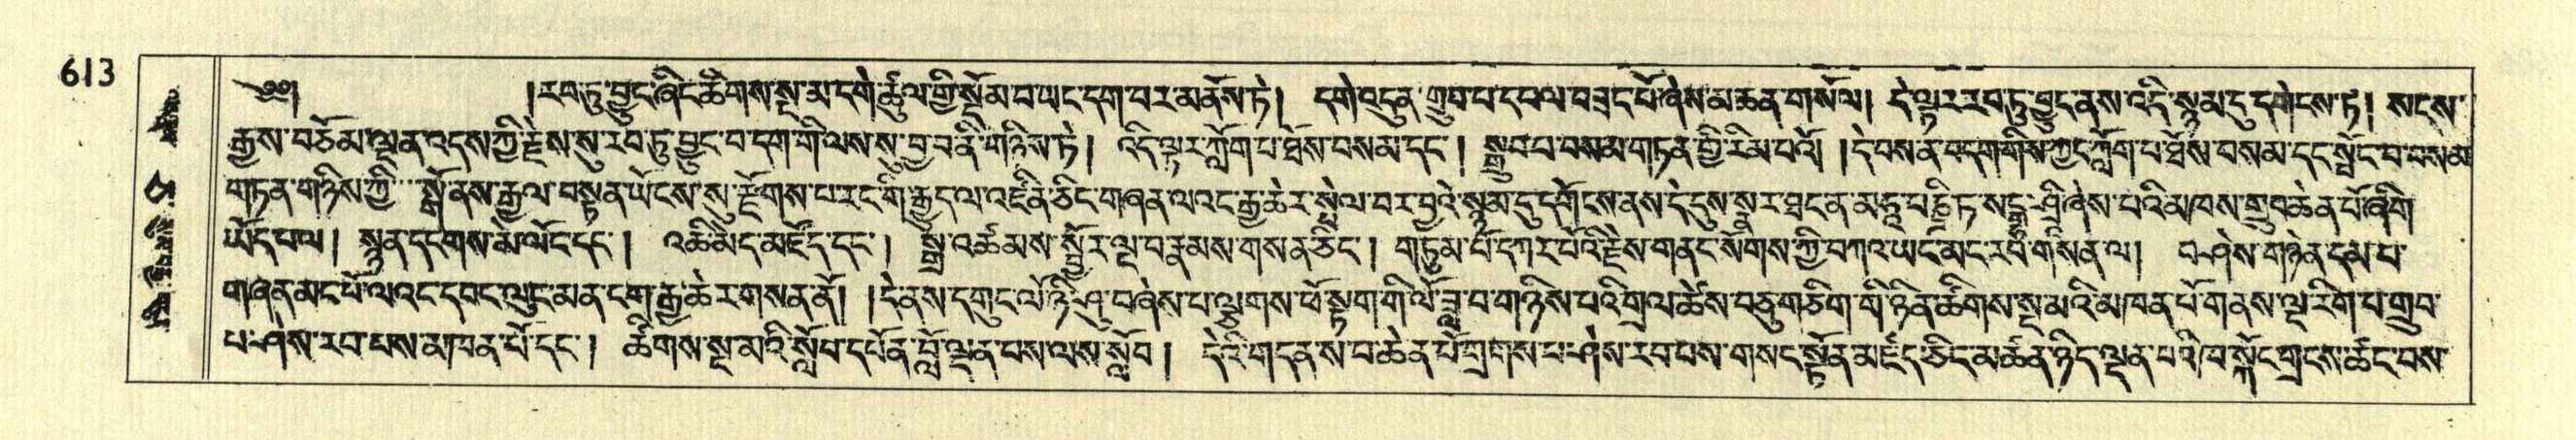༄༅། །རབ་ཏུ་བྱུང་ཞིང་ཆིགས་སྔ་མ་དགེ་ཚུལ་གྱི་སྡོམ་བ་ཡང་དག་བར་མནོས་ཏེ། དགེ་འདུན་གྲུབ་པ་དཔལ་བཟང་པོ་ཞེས་མཆན་གསོལ། དེ་ལྟར་རབ་ཏུ་བྱུང་ནས་འདི་སྙམ་དུ་དགེངས་ཏ། སངས་
རྒྱས་བཅོམ་ལྡན་འདས་ཀྱི་རྗེས་སུ་རབ་ཏུ་བྱུང་བ་དག་གི་ལས་སུ་བྱ་བ་ནི་གཉིས་ཏེ། འདི་ལྟར་ཀློག་པ་ཐོས་བསམ་དང་། སྒྲུབ་པ་བསམ་གཏན་གྱི་རིམ་པའོ། །དེ་བས་ན་བདག་གིས་ཀྱང་ཀློག་པ་ཐོས་བསམ་དང་སྤོང་བ་བསམ་
གཏན་གཉིས་ཀྱི་སྒོ་ནས་རྒྱལ་བསྟན་ཡོངས་སུ་རྫོགས་པ་རང་གི་རྒྱུད་ལ་འཛིན་ཅིང་གཞན་ལའང་རྒྱ་ཆེར་སྤེལ་བར་བྱའོ་སྙམ་དུ་དགོངས་ནས་དེ་དུས་སྣར་ཐང་ན་མཧཱ་པཎྜི་ཏ་སདགྷ་ཤྲཱི་ཞེས་པའི་མཁས་གྲུབ་ཆེན་པོ་ཞིག་
ཡོད་པ་ལ། སྙན་དངགས་མེ་ལོང་དང་། འཆི་མེད་མཛོད་དང་། སྒྲ་འཚམས་སྦྱོར་ལྔ་བ་རྣམས་གསན་ཅིང་། གཏུམ་པོ་དཀར་པོའི་རྗེས་གནང་སོགས་ཀྱི་བཀའ་ཡང་མང་རབ་གསན་ལ། བཤེས་གཉེན་དམ་པ་
གཞན་མང་པོ་ལའང་དབང་ལུང་མན་ངག་རྒྱ་ཆེར་གསན་ནོ། །དེ་ནས་དགུང་ལོ་ཉི་ཤུ་བཞེས་པ་ལྕགས་ཕོ་སྟག་གི་ལོ་ཟླ་བ་གཉིས་པའི་གྲལ་ཚེས་བཅུ་གཅིག་གི་ཉིན་ཚིགས་སྔ་མའི་མཁན་པོ་གནས་ལྔ་རིག་པ་གྲུབ་
པ་ཤེས་རབ་པས་མཁན་པོ་དང་། ཚིགས་སྔ་མའི་སློབ་དཔོན་བློ་ལྡན་པས་ལས་སློབ། དེའི་གདན་ས་པ་ཆེན་པོ་གྲགས་པ་ཤེས་རབ་པས་གསང་སྟོན་མཛད་ཅིང་མཚན་ཉིད་ལྡན་པའི་ཁ་སྐོང་གྲངས་ཚང་བས་